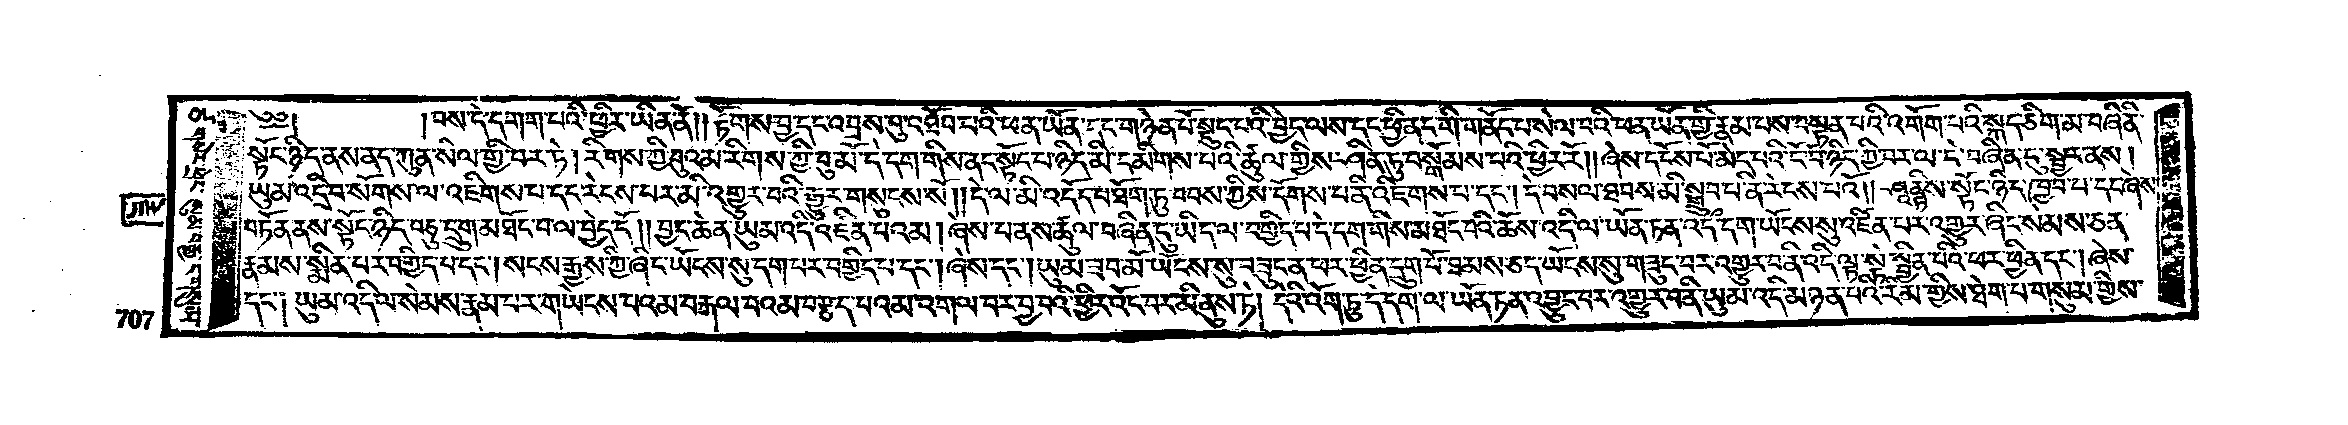༄༅། །བས་དེ་དགག་པའི་ཕྱིར་ཡིན་ནོ། །རྟོགས་བྱ་དང་འབྲས་བུ་འཐོབ་པའི་ཕན་ཡོན་དང་གཉེན་པོ་སྡུད་པའི་བྱེད་ལས་དང་ཕྱི་ནང་གི་གནོད་པ་སེལ་བའི་ཕན་ཡོན་གྱི་རྣམ་པས་བསྟན་པའི་འགོག་པའི་སྐད་ཅིག་མ་བཞི་ནི་
སྟོང་ཉིད་ནས་ནད་ཀུན་སེལ་གྱི་བར་ཏེ། རིགས་ཀྱི་བུའམ་རིགས་ཀྱི་བུ་མོ་དེ་དག་གིས་ནང་སྟོང་པ་ཉིད་མི་དམིགས་པའི་ཚུལ་གྱིས་ཤིན་ཏུ་བསྒོམས་པའི་ཕྱིར་རོ། །ཞེས་དངོས་པོ་མེད་པའི་ངོ་བོ་ཉིད་ཀྱི་བར་ལ་དེ་བཞིན་དུ་སྦྱར་ནས།
ཡུམ་འདྲི་བ་སོགས་ལ་འཇིགས་པ་དང་རེངས་པར་མི་འགྱུར་བའི་རྒྱུར་གསུངས་སོ། །དེ་ལ་མི་འདོད་པ་ཐོག་ཏུ་བབས་ཀྱིས་དོགས་པ་ནི་འཇིགས་པ་དང་། དེ་བསལ་ཐབས་མི་སྒྲུབ་པ་ནི་རེངས་པའོ། །ཤཱནྟིས་སྟོང་ཉིད་ཁྱབ་པ་དང་ཞེས་
བཏོན་ནས་སྟོང་ཉིད་བཅུ་དྲུག་མཐོང་བ་ལ་བྱེད་དོ། །བྱང་ཆེན་ཡུམ་འདི་འཛིན་པའམ། ཞེས་པ་ནས་ཚུལ་བཞིན་དུ་ཡིད་ལ་བགྱིད་པ་དེ་དག་གིས་མཐོང་བའི་ཆོས་འདི་ལ་ཡོན་ཏན་འདི་དག་ཡོངས་སུ་འཛིན་པར་འགྱུར་ཞིང་སེམས་ཅན་
རྣམས་སྨིན་པར་བགྱིད་པ་དང་། སངས་རྒྱས་ཀྱི་ཞིང་ཡོངས་སུ་དག་པར་བགྱིད་པ་དང་། ཞེས་དང་། ཡུམ་ཟབ་མོ་ཡོངས་སུ་བཟུང་ན་ཕར་ཕྱིན་དྲུག་པོ་ཐམས་ཅད་ཡོངས་སུ་གཟུང་བར་འགྱུར་བ་ནི་འདི་ལྟ་སྟེ་སྦྱིན་པའི་ཕར་ཕྱིན་དང་། ཞེས་
དང་། ཡུམ་འདི་ལ་སེམས་རྣམ་པར་གཡེངས་པའམ་བརྒལ་བའམ་བརྩད་པའམ་འགལ་བར་བྱ་བའི་ཕྱིར་འོང་བར་མི་ནུས་ཏེ། དེའི་འོག་ཏུ་དེ་དག་ལ་ཡོན་ཏན་འབྱུང་བར་འགྱུར་བ་ནི་ཡུམ་འདི་མཉན་པའི་རིམ་གྱིས་ཐེག་པ་གསུམ་གྱིས་